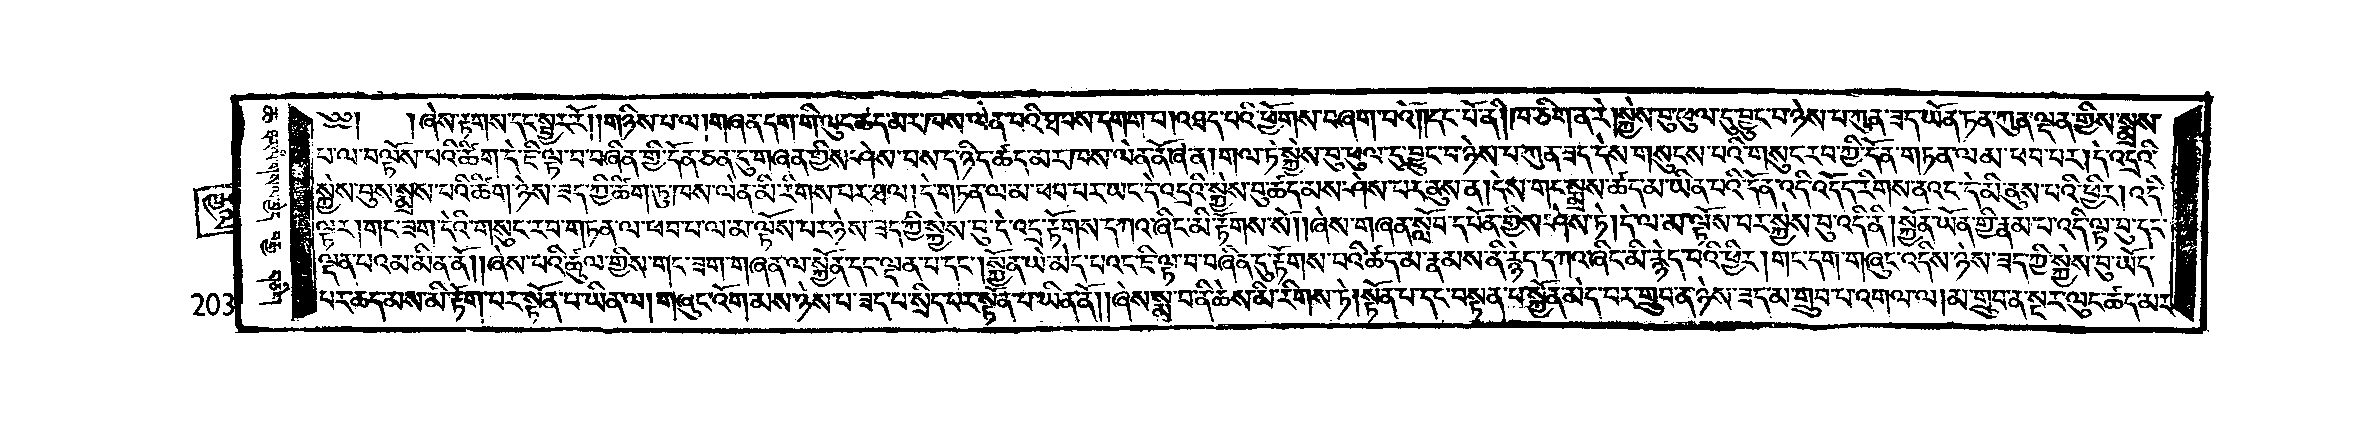༄༅། །ཞེས་རྟགས་དང་སྦྱར་རོ། །གཉིས་པ་ལ། གཞན་དག་གི་ལུང་ཚད་མར་ཁས་ལེན་པའི་ཐབས་དགག་པ། འཐད་པའི་ཕྱོགས་བཞག་པའོ། །དང་པོ་ནི། ཁ་ཅིག་ན་རེ། སྐྱེས་བུ་ཕུལ་དུ་བྱུང་བ་ཉེས་པ་ཀུན་ཟད་ཡོན་ཏན་ཀུན་ལྡན་གྱིས་སྨྲས་
པ་ལ་བལྟོས་པའི་ཚིག་དེ་ཇི་ལྟ་བ་བཞིན་གྱི་དོན་ཅན་དུ་གཞན་གྱིས་ཤེས་པས་དེ་ཉིད་ཚད་མར་ཁས་ལེན་ནོ་ཞེ་ན། གལ་ཏེ་སྐྱེས་བུ་ཕུལ་དུ་བྱུང་བ་ཉེས་པ་ཀུན་ཟད་དེས་གསུངས་པའི་གསུང་རབ་ཀྱི་དོན་གཏན་ལམ་ཕབ་པར། དེ་འདྲའི་
སྐྱེས་བུས་སྨྲས་པའི་ཚིག་ཉེས་ཟད་ཀྱི་ཚིག་ཏུ་ཁས་ལེན་མི་རིགས་པར་ཐལ། དེ་གཏན་ལ་མ་ཕབ་པར་ཡང་དེ་འདྲའི་སྐྱེས་བུ་ཚད་མས་ཤེས་པར་ནུས་ན། དེས་གང་སྨྲས་ཚད་མ་ཡིན་པའི་དོན་འདི་འདོད་རིགས་ནའང་དེ་མི་ནུས་པའི་ཕྱིར། འདི་
ལྟར། གང་ཟག་དེའི་གསུང་རབ་གཏན་ལ་ཕབ་པ་ལ་མ་ལྟོས་པར་ཉེས་ཟད་ཀྱི་སྐྱེས་བུ་དེ་འདྲ་རྟོགས་དཀའ་ཞིང་མི་རྟོགས་སོ། །ཞེས་གཞན་སློབ་དཔོན་གྱིས་ཤེས་ཏེ། དེ་ལ་མ་ལྟོས་པར་སྐྱེས་བུ་འདི་ནི། སྐྱོན་ཡོན་གྱི་རྣམ་པ་འདི་ལྟ་བུ་དང་
ལྡན་པའམ་མིན་ནོ། །ཞེས་པའི་ཚུལ་གྱིས་གང་ཟག་གཞན་ལ་སྐྱོན་དང་ལྡན་པ་དང་། སྐྱོན་ཡེ་མེད་པའང་ཇི་ལྟ་བ་བཞིན་དུ་རྟོགས་པའི་ཚད་མ་རྣམས་ནི་རྙེད་དཀའ་ཞིང་མི་རྙེད་པའི་ཕྱིར། གང་དག་གཞུང་འདིས་ཉེས་ཟད་ཀྱི་སྐྱེས་བུ་ཡོད་
པར་ཚད་?་མས་མི་རྟོག་པར་སྟོན་པ་ཡིན་ལ། གཞུང་འོག་མས་ཉེས་པ་ཟད་པ་སྲིད་པར་སྟོན་པ་ཡིན་ནོ། །ཞེས་སྨྲ་བ་ནི་ཆེས་མི་རིགས་ཏེ། སྟོན་པ་དང་བསྟན་པ་སྐྱོན་མེད་པར་གྲུབ་ན་ཉེས་ཟད་མ་གྲུབ་པ་འགལ་ལ། མ་གྲུབ་ན་སྔར་ལུང་ཚད་མར་